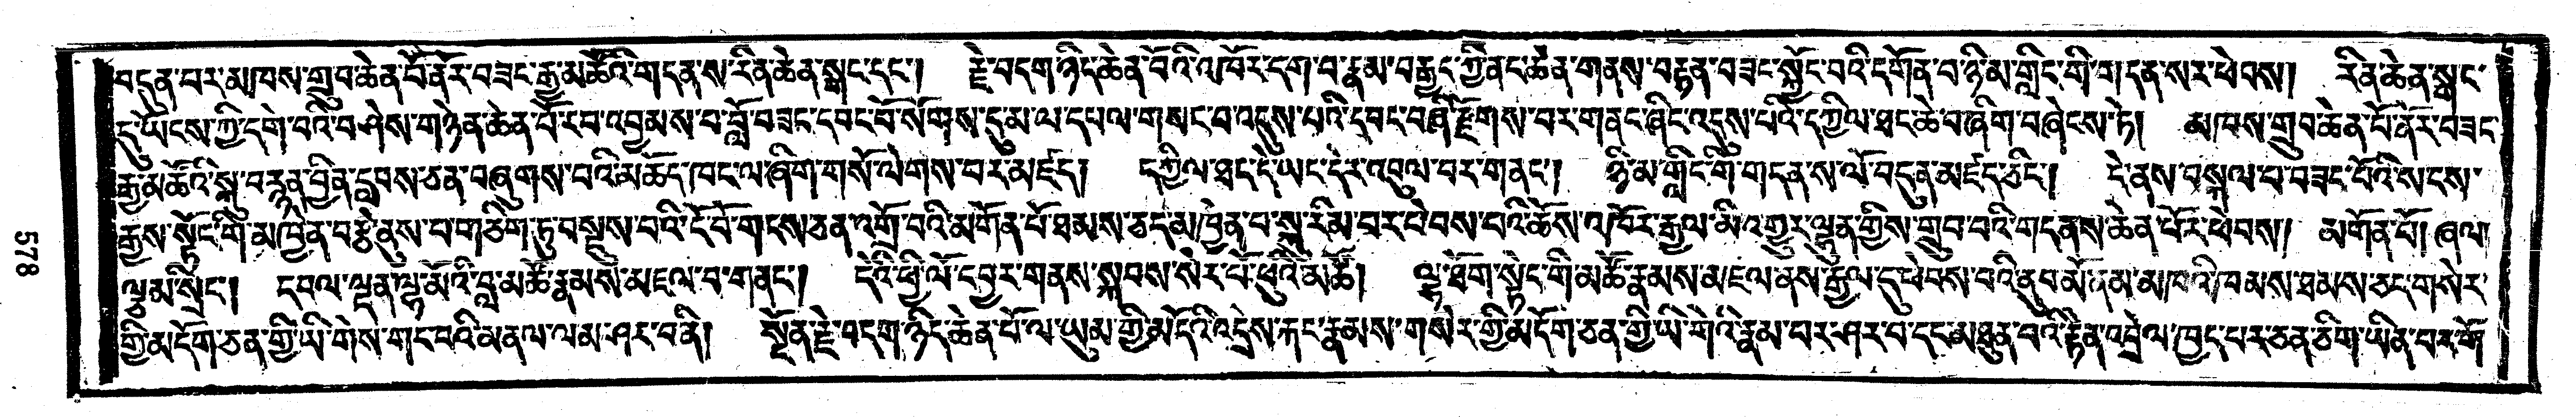བདུན་པར་མཁས་གྲུབ་ཆེན་པོ་ནོར་བཟང་རྒྱ་མཚོའི་གདན་ས་རིན་ཆེན་སྒང་དང་། རྗེ་བདག་ཉིད་ཆེན་པོའི་འཁོར་དག་བ་རྣམ་བརྒྱད་ཀྱི་ནང་ཆེན་གནས་བརྟན་བཟང་སྐྱོང་བའི་དགོན་བ་ཉི་མ་གླིང་གི་གདན་སར་ཕེབས། རིན་ཆེན་སྒང་
དུ་ཡོངས་ཀྱི་དགེ་བའི་བཤེས་གཉེན་ཆེན་པོ་རབ་འབྱམས་པ་བློ་བཟང་དབང་པོ་སོགས་དུ་མ་ལ་དཔལ་གསང་བ་འདུས་པའི་དབང་བཞི་རྫོགས་པར་གནང་ཞིང་འདུས་པའི་དཀྱིལ་ཐང་ཆེ་བ་ཞིག་བཞེངས་ཏེ། མཁས་གྲུབ་ཆེན་པོ་ནོར་བཟང་
རྒྱ་མཚོའི་སྐུ་བརྙན་བྱིན་རླབས་ཅན་བཞུགས་པའི་མཆོད་ཁང་ལ་ཞིག་གསོ་ལེགས་པར་མཛད། དཀྱིལ་ཐང་དེ་ཡང་དེར་འབུལ་བར་གནང་། ཉི་མ་གླིང་གི་གདན་ས་ལོ་བདུན་མཛད་ཅིང་། དེ་ནས་བསྐལ་པ་བཟང་པོའི་སངས་
རྒྱས་སྟོང་གི་མཁྱེན་བརྩེ་ནུས་བ་གཅིག་ཏུ་བསྡུས་པའི་ངོ་བོ་གངས་ཅན་འགྲོ་བའི་མགོན་པོ་ཐམས་ཅད་མཁྱེན་པ་སྐུ་རིམ་བར་ཕེབས་པའི་ཆོས་འཁོར་རྒྱལ་མི་འགྱུར་ལྷུན་གྱིས་གྲུབ་པའི་གདན་ས་ཆེན་པོར་ཕེབས། མགོན་པོ། ཞལ་
ལྕམ་སྲིད། དཔལ་ལྡན་ལྷ་མོའི་བླ་མཚོ་རྣམས་མཇལ་བ་གནང་། དེའི་ཕྱི་ལོ་དབྱར་གནས་སྐབས་སེར་པོ་ཕུའི་མཚོ། ལྷ་ཐོག་སྟེང་གི་མཚོ་རྣམས་མཇལ་ནས་རྒྱལ་དུ་ཕེབས་པའི་ནུབ་མོ་ནམ་མཁའི་ཁམས་ཐམས་ཅད་གསེར་
གྱི་མདོག་ཅན་གྱི་ཡི་གེས་གང་བའི་མནལ་ལམ་ཤར་བ་ནི། སྔོན་རྗེ་བདག་ཉིད་ཆེན་པོ་ལ་ཡུམ་གྱི་མདོའི་འདྲེས་རྐང་རྣམས་གསེར་གྱི་མདོག་ཅན་གྱི་ཡི་གེའི་རྣམ་པར་ཤར་བ་དང་མཐུན་བའི་རྟེན་འབྲེལ་ཁྱད་པར་ཅན་ཅིག་ཡིན་པར་གོ་